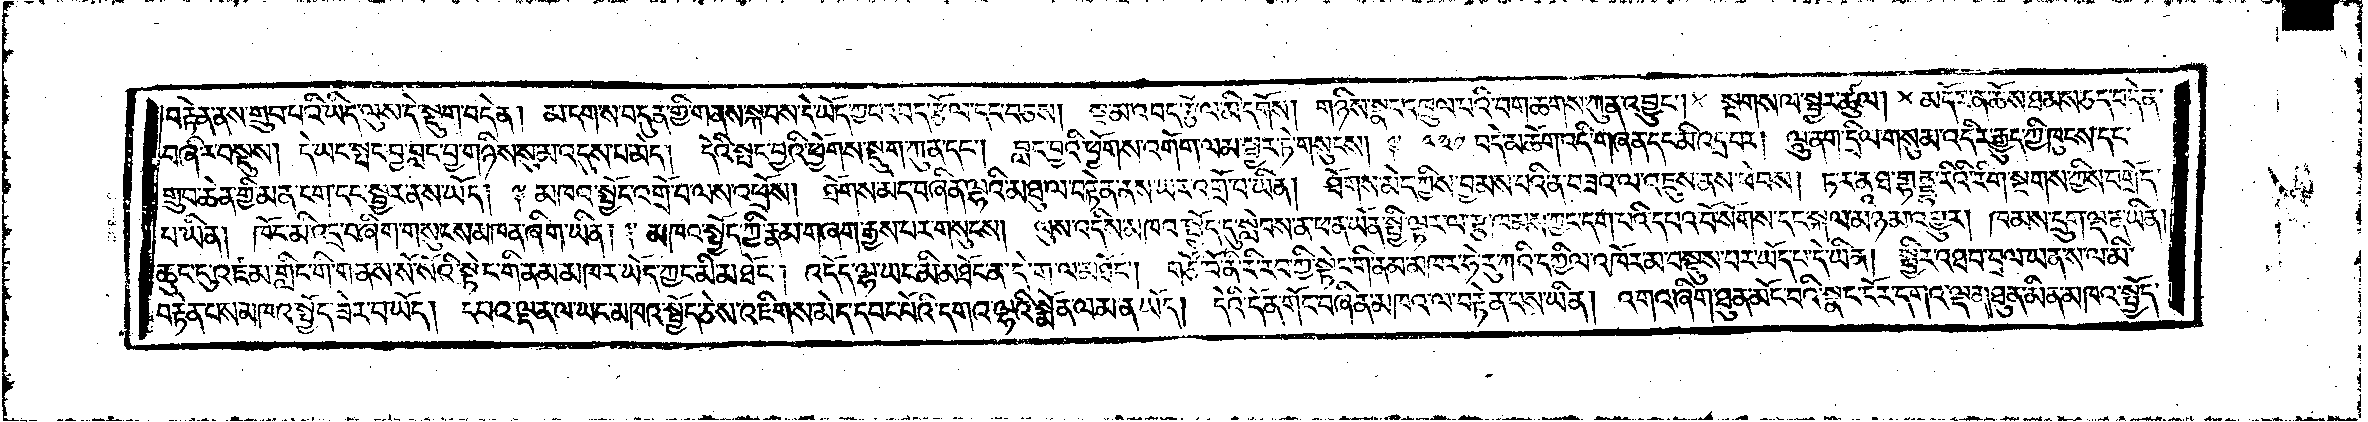བརྟེན་ནས་གྲུབ་པའི་ཡིད་ལུས་དེ་སྡུག་བདེན། མ་ངག་ས་བདུན་གྱི་གནས་སྐབས་དེ་ཡོད་ཀྱང་འབོད་རྩོལ་དང་བཅས། སྡམ་འབད་རྩོལ་མི་དོགས། གཉིས་སྣང་པ་འཁྲུལ་པའི་བག་ཆགས་ཀུན་འབྱུང་། ྾་སྔགས་ལ་སྦྱར་ཚུལ། ྾་མདོར་ན་ཆོས་ཐམས་ཅད་བདེན་
བཞིར་བསྡུས། དེ་ཡང་སྤང་བྱ་བླང་བྱ་གཉིས་སུ་མ་འདུས་པ་མེད། དེའི་སྤང་བྱའི་ཕྱོགས་སྡུག་ཀུན་དང་། བླང་བྱའི་ཕྱོགས་འགོག་ལམ་སྦྱར་ཏེ་གསུངས། ༈ ༢༣༡་བདེ་མཆོག་འདི་གཞན་དང་མི་འདྲ་བར། ལའུ་ནག་དྲིལ་གསུམ་འདིར་རྒྱུད་ཀྱི་ཁུངས་དང་
གྲུབ་ཆེན་གྱི་མན་ངག་དང་སྦྱར་ནས་ཡོད། ༈ མཁའ་སྤྱོད་འགྲོ་བ་ལས་འཕྲོས། ཐོགས་མེད་བཞིན་ལྷའི་མཐུ་ལ་བརྟེན་ནས་ཡར་འགྲོ་བ་ཡིན། ཐོགས་མེད་ཀྱིས་བྱམས་པའི་ན་བཟའ་ལ་འཇུག་ནས་ཕེབས། ལྟར་ནཱ་ཐ་གྷནྡྡྷ་རིའི་རིག་སྔགས་ཀྱིས་བགྲོད་
པ་ཡིན། ཁོང་མི་འདྲ་བཞིག་གསུངས་མཁན་ཞིག་ཡིན། ༈ མཁའ་སྤྱོད་ཀྱི་རྣམ་གཞག་རྒྱས་པར་གསུངས། ལུས་འདིས་མཁའ་སྤྱོད་དུ་སླེབས་ན་ཕན་ཡོན་སྤྱི་ལྟར་ལ་རྩ་ཁམས་ཀྱང་དག་པའི་དཔའ་བོ་སོགས་དང་སྐལ་མཉམ་འགྱུར། ཁམས་དྲུག་ལྔ་ན་ཡིན།
ཆུང་ངུ་འཛམ་གླིང་གི་གནས་སོ་སོའི་སྟེང་གི་ནམ་མཁར་ཡོད་ཀྱང་མི་མཐོང་། འདོད་ལྷ་ཡང་མི་མཐོང་ན་དེ་ག་ལ་མཐོང་། གཙོ་བོ་ནི་རི་རབ་ཀྱི་སྟེང་གི་ནམ་མཁར་ཧེ་རུ་ཀའི་དཀྱིལ་འཁོར་མ་བསྡུས་པར་ཡོད་པ་དེ་ཡིན། སྤྱིར་འཐབ་བྲལ་ཡན་ས་ལ་མི་
བརྟེན་པས་མཁའ་སྤྱོད་ཟེར་བ་ཡོད། དཔའ་ལྡན་ལ་ཡང་མཁའ་སྤྱོད་ཅེས་འཇིགས་མེད་དབང་པོའི་དགའ་ལྷའི་སྨོན་ལ་མན་ཡོད། དེའི་དོན་གོང་བཞིན་མཁའ་ལ་བརྟེན་པས་ཡིན། འགའ་ཞིག་ཐུན་མོང་བའི་སྣང་ངོར་དགའ་ལྡན། མཐུན་མིན་མཁའ་སྤྱོད་